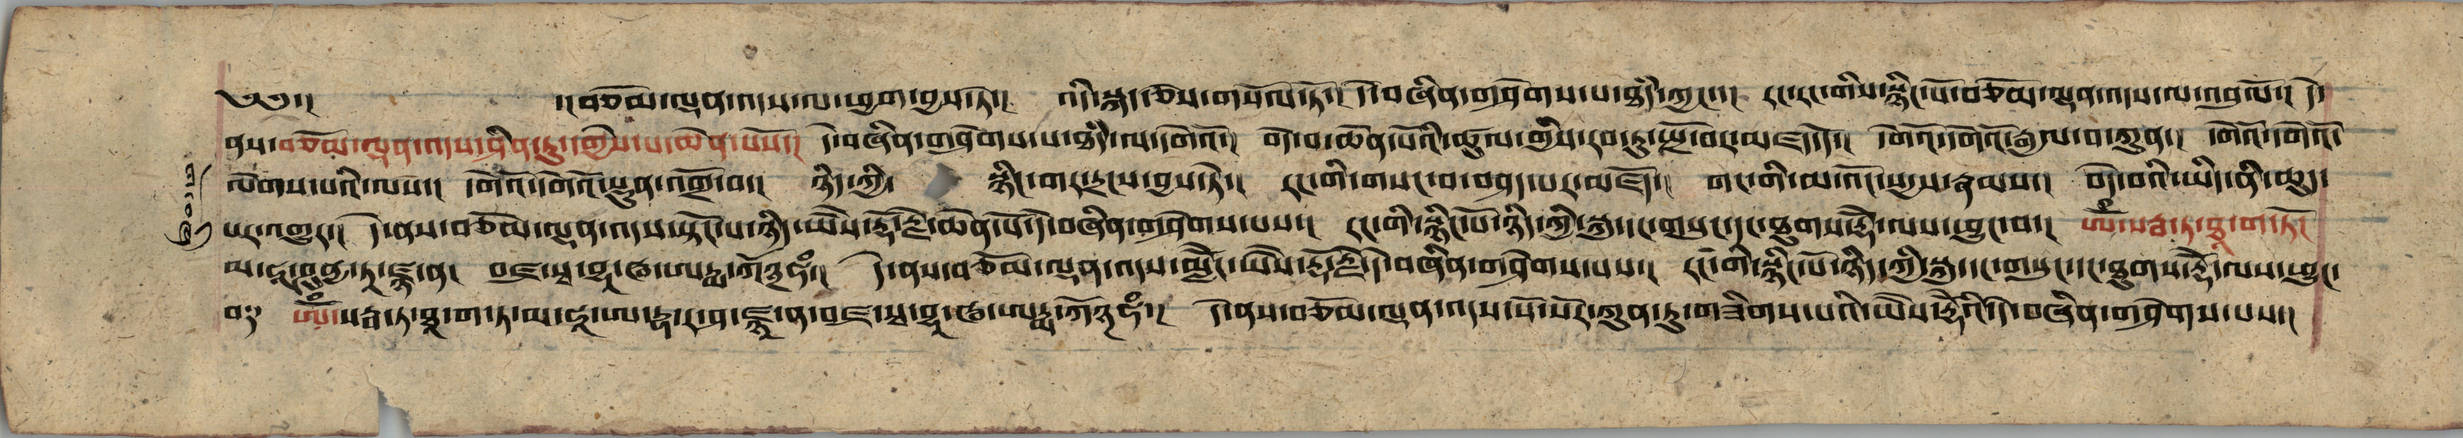༄༅་། ་།བཅོམ་ལྡན་འདས་ལ་ཕྱག་བྱས་ཏེ་། འདི་སྐད་ཅེས་གསོལ་ཏོ་། དེ་བཞིན་གཤེགས་པ་ཐཾད་ཀྱང་་། རང་རང་གིས་སྙིང་པོ་བཅོམ་ལྡན་འདས་ལ་འབུལོ་། དེ་
ནས་བཅོམ་ལྡན་འདས་ཤིན་ཏུ་དགྱེས་པ་ཆེན་པོས་། དེ་བཞིན་གཤེགས་པ་ཐཾད་ལ་དགེའོ་། བདེ་བ་ཆེན་པོའི་ཚུལ་གྱིས་རབ་ཏུ་སྤྲོ་བར་མཛད་དོ་། དགེའོ་དགེའོ་རྒྱལ་བ་ཀུན་། དགེའོ་དགེའོ་
ལེགས་པའི་ལས་། དགེའོ་དགེའོ་སྡུན་འགྲོ་བ་། ཉིད་ཀྱི་ སྙིང་གར་དྲངས་བྱས་ཏེ་། རང་གི་གསང་བ་བཤད་པར་མཛོད་། གང་གི་མ་འོངས་སདྱས་རྣམས་། བདེ་བའི་ཡིད་ནི་ཆུད་
པར་འགྱུར་། དེ་ནས་བཅོམ་ལྡན་འདས་སྟོང་པ་ཉིད་ཡཻས་རྡོ་རྗེ་ཆེན་པོ་དེ་བཞིན་གཤེགས་པས་། རང་གི་སྙིང་པོ་ཉིད་ཀྱི་སྐུ་དང་གསུང་དང་ཐུགས་རྡོེ་ལས་ཕྱུང་བ་། ཨོཾ་སརྦ་ཏ་ཐཱ་ག་ཏོ།
མ་ཧཱ་ཤུནྱ་ཏཱ་ཛྙ་ན་ བཛྲ་སྭ་བྷཱ་ཝ་ཨཏྨ་ཀོ྅ཧཾ་། དེ་ནས་བཅོམ་ལྡན་འདས་མླེོང་ཡཻས་རྡོ་རྗེ་དེ་བཞིན་གཤེགས་པས་། རང་གི་སྙིང་པོ་ཉིད་ཀྱི་སྐུ་དང་གསུང་དང་ཐུགས་རྡོེ་ལས་ཕྱུང་
བ༑ ཨོཾ་སརྦ་ཏ་ཐཱ་ག་ཏ་མ་ཧཱ་ཨ་དྷ་ར་ཤ་ཛྙཱ་ན་བཛྲ་སྭ་བྷཱ་ཝ་ཨཏྨ་ཀོ྅ཧཾ་། དེ་ནས་བཅོམ་ལྡན་འདས་སོ་སོར་ཀུན་ཏུ་གཟིགས་པའི་ཡཻས་རྡོེའི་དེ་བཞིན་གཤེགས་པས་།